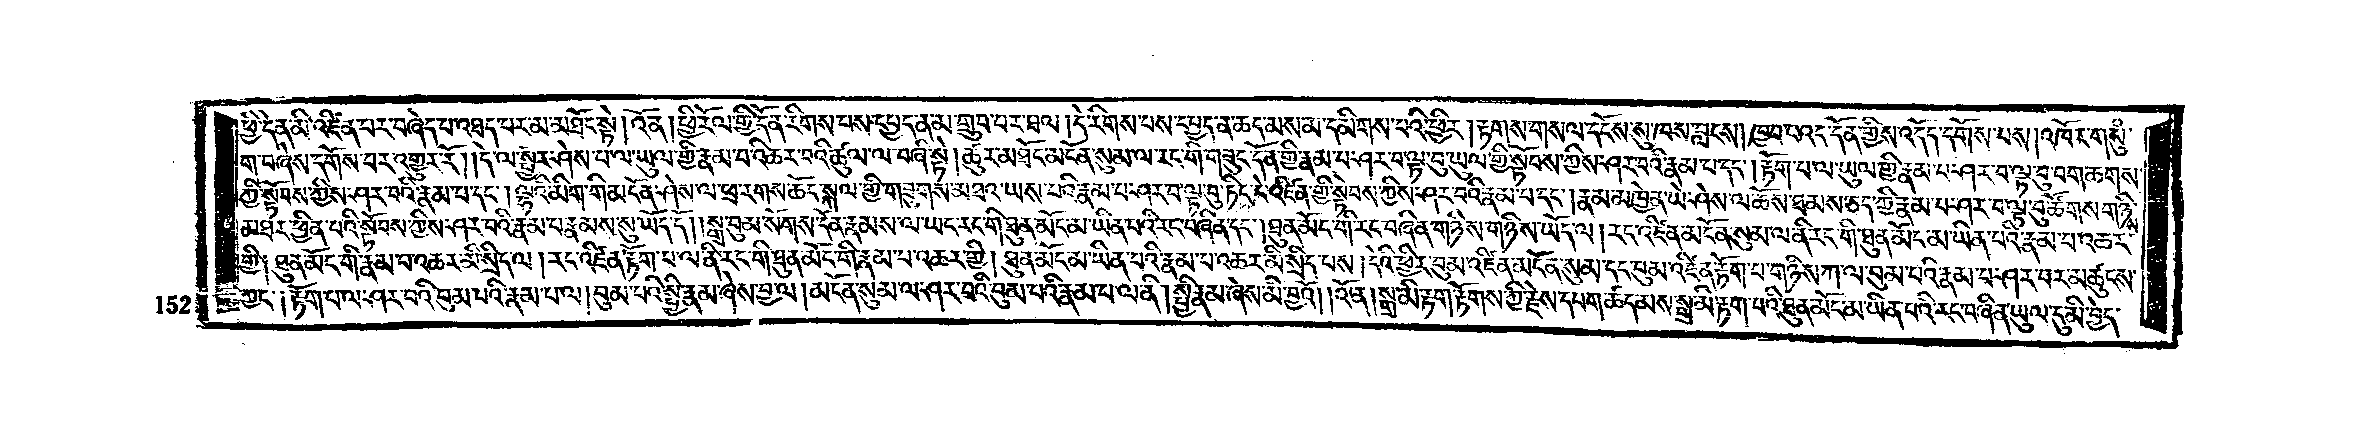ཕྱི་དོན་མི་འཛིན་པར་བཞེད་པ་འཐད་པར་མ་མཐོང་སྟེ། འོ་ན། ཕྱི་རོལ་གྱི་དོན་རིགས་པས་དཔྱད་ན་མ་གྲུབ་པར་ཐལ། དེ་རིགས་པས་དཔྱད་ན་ཚད་མས་མ་དམིགས་པའི་ཕྱིར། རྟགས་གསལ་དངོས་སུ་ཁས་བླངས། ཁྱབ་པའང་དོན་གྱིས་འདོད་དགོས་པས། འཁོར་གསུམ་
ག་བཞེས་དགོས་པར་འགྱུར་རོ། །དེ་ལ་སྦྱོར་ཤེས་པ་ལ་ཡུལ་གྱི་རྣམ་པ་འཆར་བའི་ཚུལ་ལ་བཞི་སྟེ། ཚུར་མཐོང་མངོན་སུམ་ལ་རང་གི་གཟུང་དོན་གྱི་རྣམ་པ་ཤར་བ་ལྟ་བུ་ཡུལ་གྱི་སྟོབས་ཀྱིས་ཤར་བའི་རྣམ་པ་དང་། རྟོག་པ་ལ་ཡུལ་གྱི་རྣམ་པ་ཤར་བ་ལྟ་བུ་བག་ཆགས་
ཀྱི་སྟོབས་ཀྱིས་ཤར་བའི་རྣམ་པ་དང་། ལྷའི་མིག་གི་མངོན་ཤེས་ལ་ཕྲ་རགས་ཆོད་སྐལ་གྱི་གཟུགས་མཐའ་ཡས་པའི་རྣམ་པ་ཤར་བ་ལྟ་བུ་ཏིང་ངེ་འཛིན་གྱི་སྟོབས་ཀྱིས་ཤར་བའི་རྣམ་པ་དང་། རྣམ་མཁྱེན་ཡེ་ཤེས་ལ་ཆོས་ཐམས་ཅད་ཀྱི་རྣམ་པ་ཤར་བ་ལྟ་བུ་ཚོགས་གཉིས་
མཐར་ཕྱིན་པའི་སྟོབས་ཀྱིས་ཤར་བའི་རྣམ་པ་རྣམས་སུ་ཡོད་དོ། །སྒྲ་བུམ་སོགས་དོན་རྣམས་ལ་ཡང་རང་གི་ཐུན་མོང་མ་ཡིན་པའི་རང་བཞིན་དང་། ཐུན་མོང་གི་རང་བཞིན་གཉིས་གཉིས་ཡོད་ལ། རང་འཛིན་མངོན་སུམ་ལ་ནི་རང་གི་ཐུན་མོང་མ་ཡིན་པའི་རྣམ་པ་འཆར་
གྱི༑ ཐུན་མོང་གི་རྣམ་པ་འཆར་མི་སྲིད་ལ། རང་འཛིན་རྟོག་པ་ལ་ནི་རང་གི་ཐུན་མོང་གི་རྣམ་པ་འཆར་གྱི། ཐུན་མོང་མ་ཡིན་པའི་རྣམ་པ་འཆར་མི་སྲིད་པས། དེའི་ཕྱིར་བུམ་འཛིན་མངོན་སུམ་དང་བུམ་འཛིན་རྟོག་པ་གཉིས་ཀ་ལ་བུམ་པའི་རྣམ་པ་ཤར་བར་མཚུངས་
ཀྱང༑ རྟོག་པ་ལ་ཤར་བའི་བུམ་པའི་རྣམ་པ་ལ། བུམ་པའི་སྤྱི་རྣམ་ཞེས་བྱ་ལ། མངོན་སུམ་ལ་ཤར་བའི་བུམ་པའི་རྣམ་པ་ལ་ནི། སྤྱི་རྣམ་ཞེས་མི་བྱའོ། །འོ་ན༑ སྒྲ་མི་རྟག་རྟོགས་ཀྱི་རྗེས་དཔག་ཚད་མས་སྒྲ་མི་རྟག་པའི་ཐུན་མོང་མ་ཡིན་པའི་རང་བཞིན་ཡུལ་དུ་མི་བྱེད་